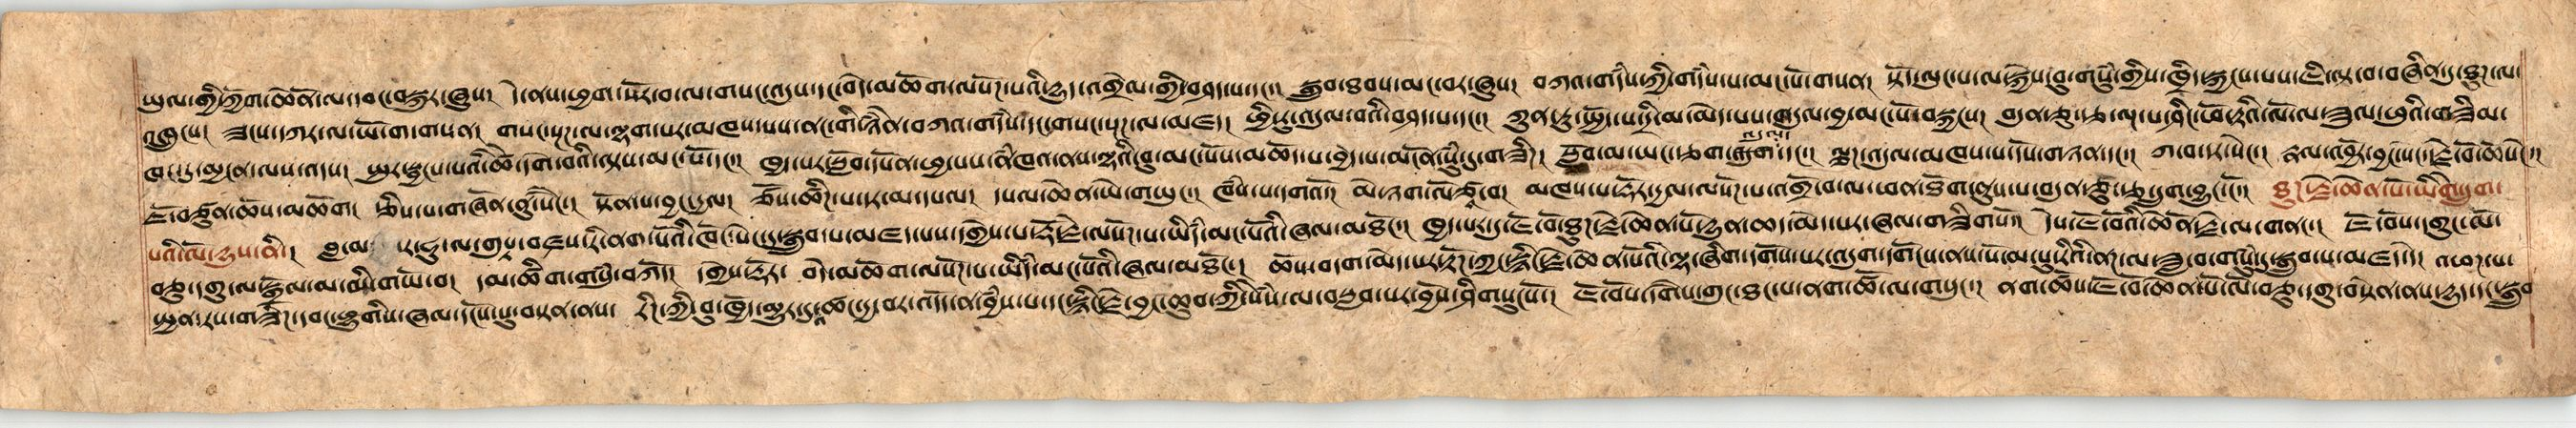ཡུལ་གྱི་ཀྱོག་ཆེནོ་ལ་དབང་བསྐུར་ཞུས། དེ་ནས་ཕྱག་སོར་བ་ལ་གསང་འདུས་དང་བདེ་མཆོག་ལསོཌ་པའི་དྱུད་འགྲེལ་གྱི་བཤད་པ་དང། སྒྲུབ་ཐབས་མང་བར་ཞུས། བཀའ་གདཾས་ཀྱི་གདཾས་པ་མང་པོ་གསན། སྟོད་ལུང་པ་ལ་སྐྱེས་བུ་གསུཾ་གྱིས་ཁྲིད་སྐྱངས་པས་ཇི་ལྟ་བ་བཞིན་དུ་ཐུཌ་ལ་
འཁྲུངས། ཟངས་དཀར་ལ་ཡོ་ག་གསན། གསང་སྔཌ་ལ་ལྷག་པར་མཁས་པས་ནང་གི་ཉཾནེ་བཀའ་གདཾས་དང་གསང་སྔཌ་ལ་མཛད། ཕྱི་རུ་འདུལ་བའི་བཤད་པ་དང་། ཀུན་ཏུ་སྤྱོད་པ་དྲི་མ་མེད་པས་གདུལ་བྱ་མང་པོ་བསྐྱངས། བདུན་ཅུ་རྩ་ལྔ་པ་ཤིང་ཕོ་རྟའི་ལོ་ལ་ཟུལ་ཕུའི་གཟིམ་
ཁང་དུ་མྱ་ངན་ལས་འདས། སྤུར་སྦྱངས་པའི་ཚེ་དགེ་བའི་ལྟས་མང་པོ་དང་། ཁྱད་པར་སློབ་དཔོན་ཕྱ་པས་ནཾཁའ་ནས་ལྷའི་བུ་མང་པོས་མཆོད་པ་བྱེད་པ་མངོན་སུཾ་དུ་གཟིཌ། སློབ་མ་ཡང་རྩག་འདུལ་དང་། ལྕཌ་འདུལ་མཁས་པ་དེས་གཉན་དང་། ཀ་བ་དར་སེང་། རྣལ་འབྱོར་བྱང་སེང་རྗེ་བོ་ཆོསེང་།
ཇོ་བཙུན་ཆོས་མཆོག། རྩིས་པ་གཞོན་ནུ་སཻང་། སྟོན་པ་བྱང་དྱལ། ཙོས་ཚིཌ་པ་དར་མ་དཔལ། དཔལ་ཆེན་ཡེ་གཡུང་། ཁཾས་པ་དགའོ། མི་ཉག་ལོཙཱ་བ། མཁས་པ་རྡོར་དྱལ་ལསོཌ་པ་འགྲོ་བ་ལ་ཕན་ཐོག་ནུས་པ་བདུན་ཅུ་རྩ་དྲུག་བྱུང་ངོ་། ཐུཌ་རྗེ་ཆེན་པོ་ཡིགེ་དྲུག
པའི་ལོ་དྱུས་ནི། བླ་མ་ར་ཧུ་ལ་གུཔྟ་བཛྲས་རི་ནག་པོའི་ཁོང་སེང་དུ་སྒྲུབ་པ་མཛད་པས་དགྱེས་པ་རྡོ་རྗེ་ལསོཌ་པ་ཡིདཾ་མང་པོའི་ཞལ་མཐོང་། ཁྱད་པར་དུ་ཇོ་བོ་ཐུཌ་རྗེ་ཆེན་པོ་དྱུན་ཆད་མེད་པར་ཞལ་གཟིགསོ། དེས་ཇོ་བོའི་ཆེནོ་རྗེ་ལ་གནང་། ཇོ་བོས་དགུང་ལོ་
བཅུ་དགུ་ལ་སྒྲོལ་མ་མི་གཡོ་བ། དམ་ཚིག་གསུཾ་བཀོད། དགྱེས་རྡོར། བདེ་མཆོག་ལསོཌ་པའི་ཡིདཾ་མང་པོའི་ཞལ་མཐོང་། ཆོས་བདག་མེད་པར་རྟོཌ་ཀྱང་སྙིང་རྗེ་ཆེན་པོའི་ལྷ་ཞིག་དགོས་པར་འདུག་དགོངས་ནས་སོ་མ་པུ་རིའི་ནཌ་ལ་ཟླ་བ་གསུཾ་དུ་སྒྲུབ་པ་མཛད་དེ། འཕཌ་པ་
སྤྱན་རས་གཟིཌ་དབང་ཕྱུགིས་ཞལ་དངོས་སུ་བསྟན་ནས། རིཌ་ཀྱི་བུ་ཁྱོད་མྱུར་དུ་འཚང་དྱ་བར་འདོད་ན་བྱཾས་པ་དང་སྙིང་རྗེ་བྱང་ཆུབ་ཀྱི་སེཾས་ལ་བསླབ་པར་བྱོས་ཤིགསུངསོ་། ཇོ་བོས་དགཻས་གུང་ཐང་པ་ནག་ཚོ་ལ་གསུང་། ནག་ཚོས་ཇོ་བོ་ཆེན་པོ་ལོ་བཅུ་དགུ་བསྟེན་ནས་དྱུད་དང་སྒྲུབ་